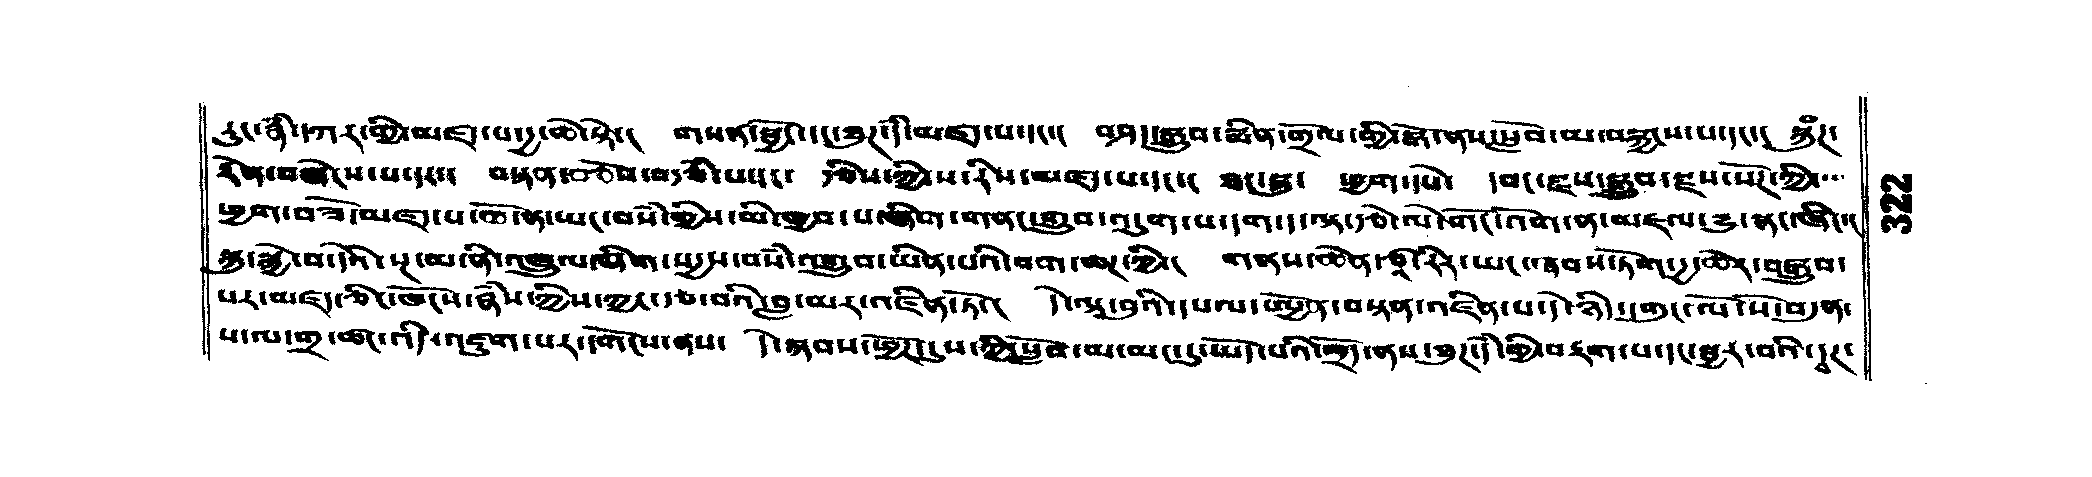རུང་རྣམ་དཀར་གྱི་མཛད་པ་རྒྱ་ཆེ་སྟེ། གསན་སྦྱོང་དང་ཐུགས་དམ་མཛད་པ་དང་། བཤད་སྒྲུབ་སྨིན་གྲོལ་གྱི་སྒོ་ནས་སློབ་མ་བསྐྱངས་པ་དང་། སྐུ་གཟུགས་
རྟེན་བཞེངས་པ་དང་། བསྟན་བཅོས་བརྩམ་པ་དང་། རྩིས་ཀྱི་ས་རིས་མཛད་པ་དང་། ཐང་སྐུ། ཕྱག་དཔེ། དབང་རྫས་སྒྲུབ་རྫས་སོགས་ཀྱི་
ཕྱག་བཟོ་མཛད་པ་ཁོ་ན་ཡང་བསམ་གྱི་མི་ཁྱབ་པ་ཞིག་གནང་གྲུབ་འདུག་པ་དག་ད་ལྟ་རྩེ་ལེ་གོང་འོག་ན་མཇལ་རྒྱུ་སྣང་ཞིང་། 
སྐུ་སྐྱེ་བ་དེའི་སྔ་མ་ནི་འཁྲུལ་ཞིག་སངས་རྒྱས་བསམ་འགྲུབ་ཡིན་པའི་བག་ཆགས་ཀྱི། གནས་ཆེན་ཙཱ་རིར་ཡང་ཞབས་ཏོག་རྒྱ་ཆེར་བསྒྲུབ་
པར་མཛད་ཅིང་ཁོང་རྣམས་ཀྱིས་ཀྱང་རྩ་བའི་བླ་མར་འཛིན་ཏོ། དེ་ལྟ་བུའི་དཔལ་ཨོ་རྒྱན་བསྟན་འཛིན་པ་དེ་ཉིད་དགུང་ལོ་སོ་བདུན་
པ་ལ་གྲྭ་ཚང་འདི་འཛུགས་པར་དགོངས་ནས། དེ་སྐབས་ཕྱོགས་དུས་ཀྱི་སློབ་མ་མང་དུ་ཡོད་པའི་ཁྲོད་ནས་ཐུགས་དམ་གྱི་བརྟག་པ་དང་སྦྱར་བའི་དྭགས་